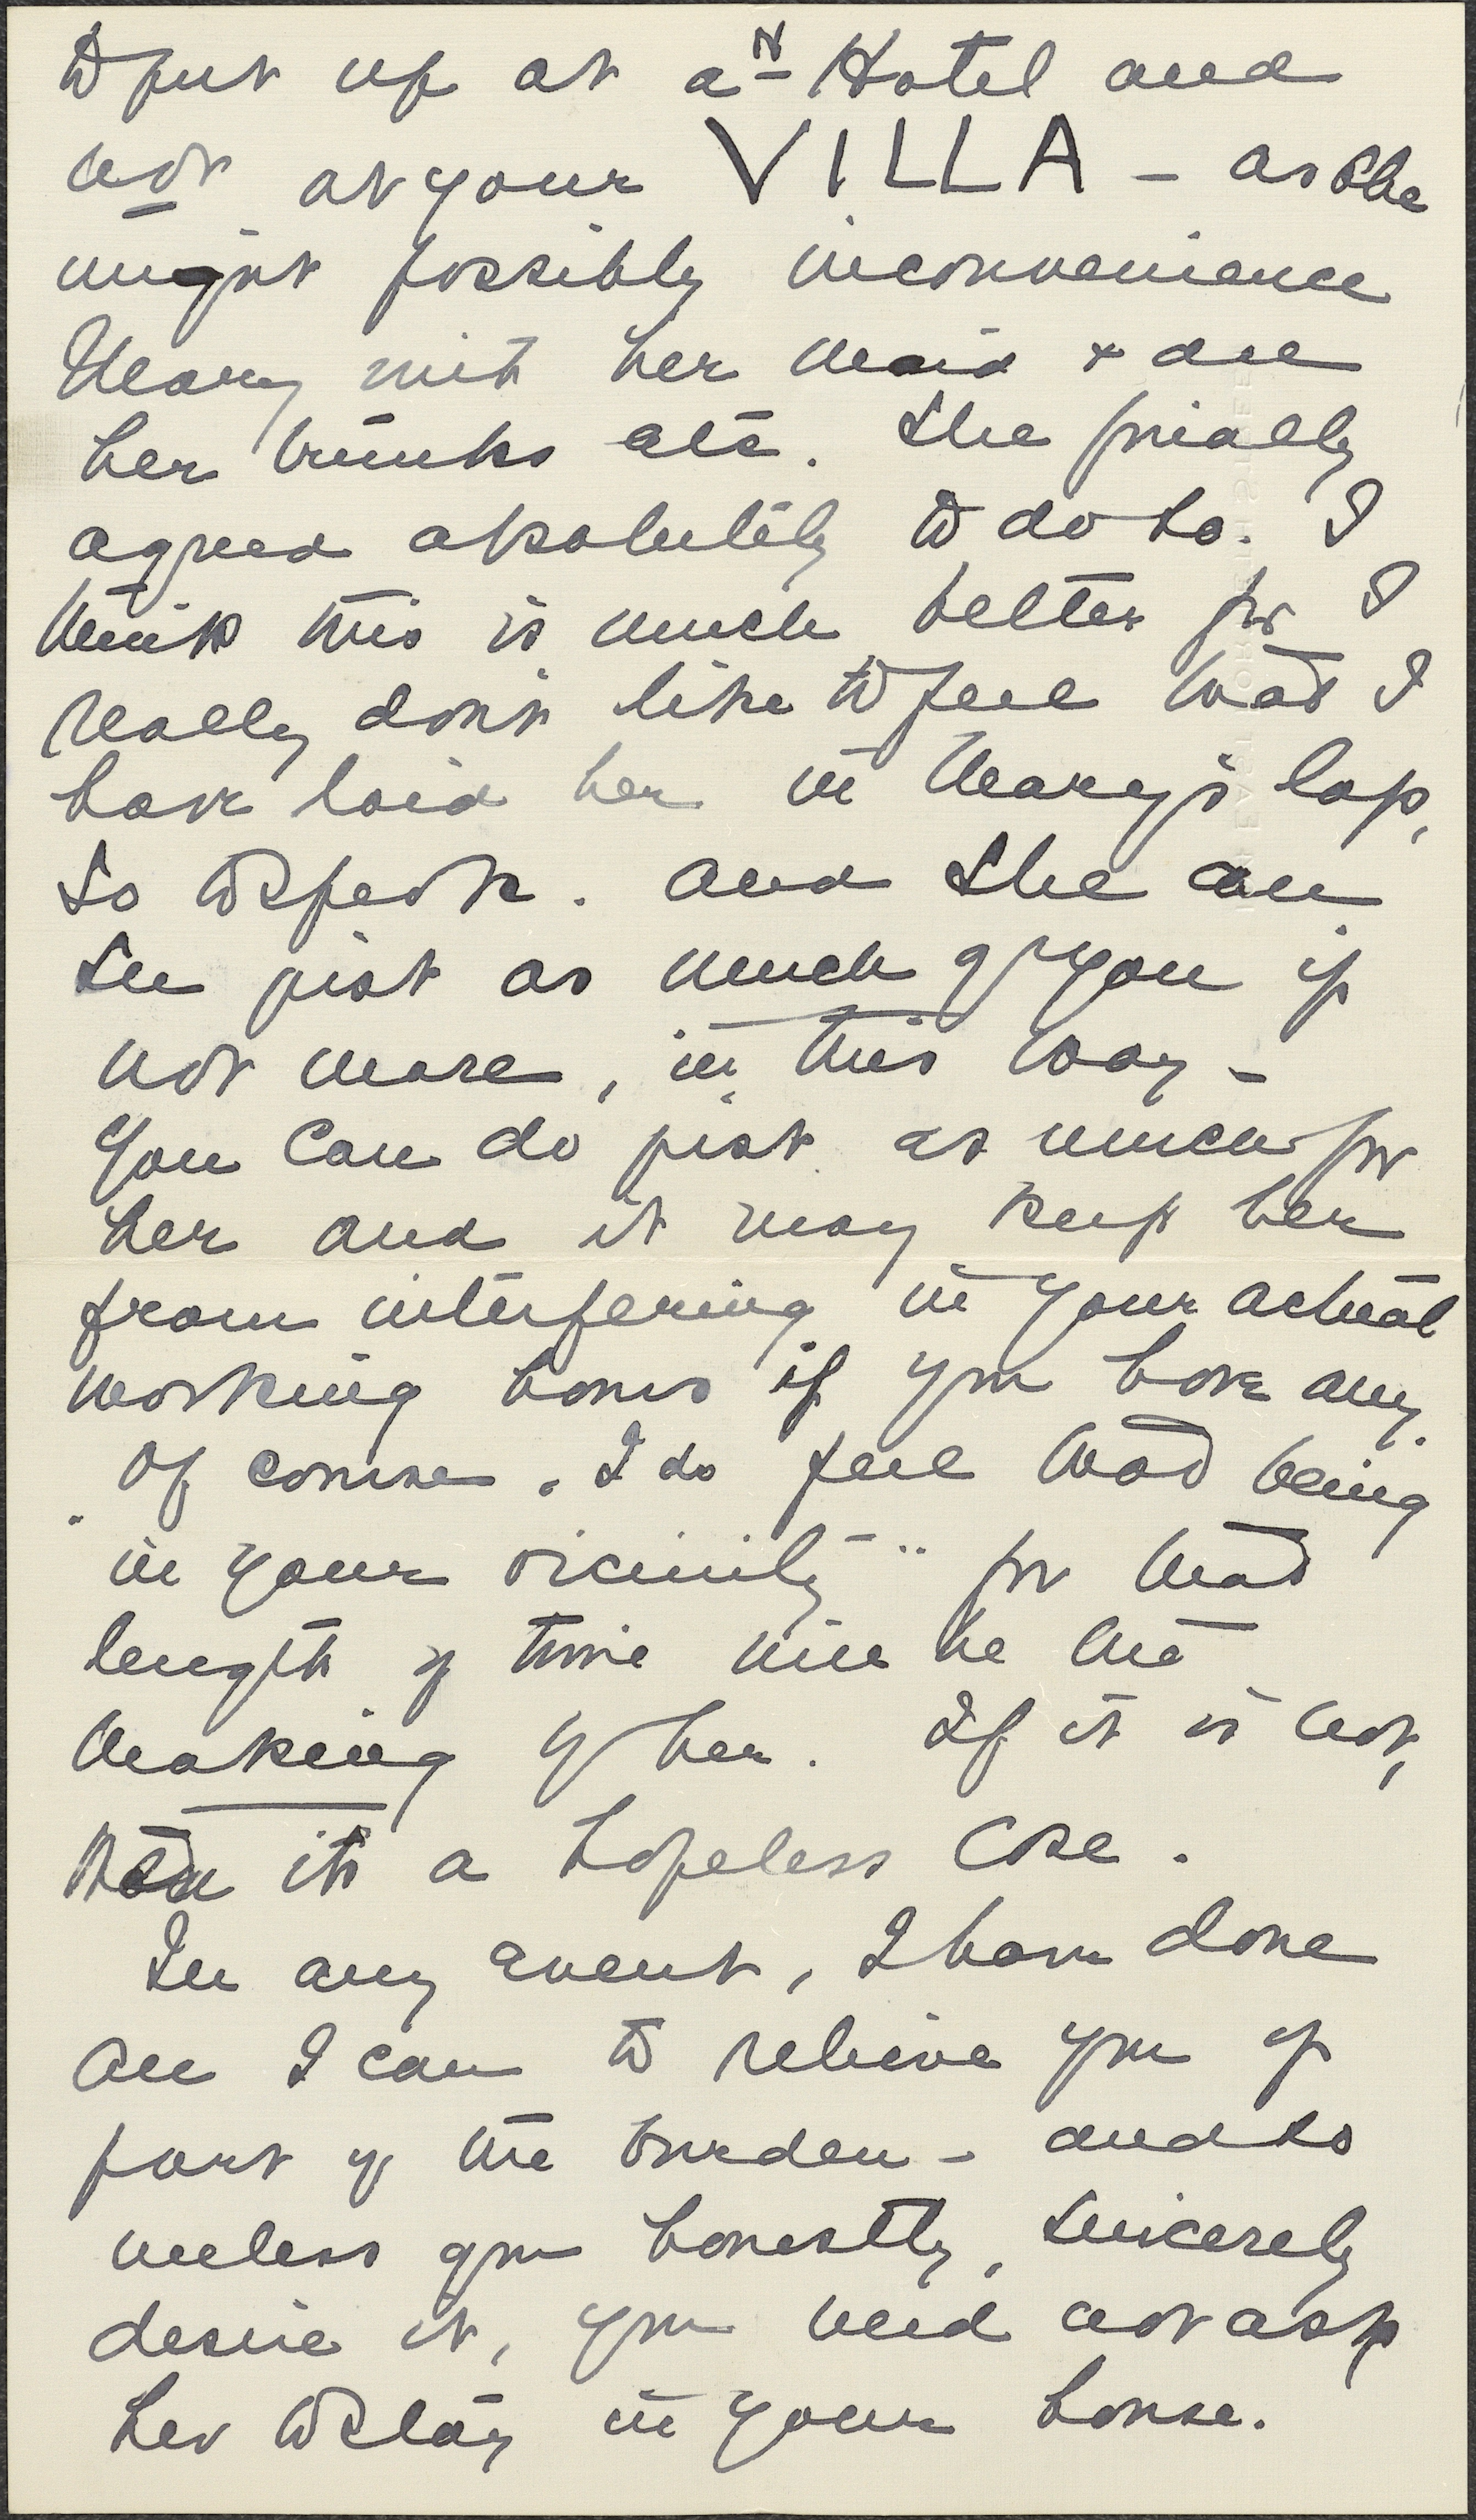to put up at aN Hotel and not at your VILLA – as she might possible inconvenience Mary with her maid & all her trunks etc. She finally agreed absolutely to do so. I think this is much better for I really don’t like to feel that I have laid her in Mary’s lap, so to speak. And she can see just as much of you if not more, in this way – you can do just as much for her and it may keep her from interfering in your actual working hours if you have any. Of course, I do feel that being in your vicinity for that length of time will be the making of her. If it is not, then it’s a hopeless case.
In any event, I have done all I can to relieve you of part of the burden – and so unless you honestly, sincerely desire it, you need not ask her to stay in your house.